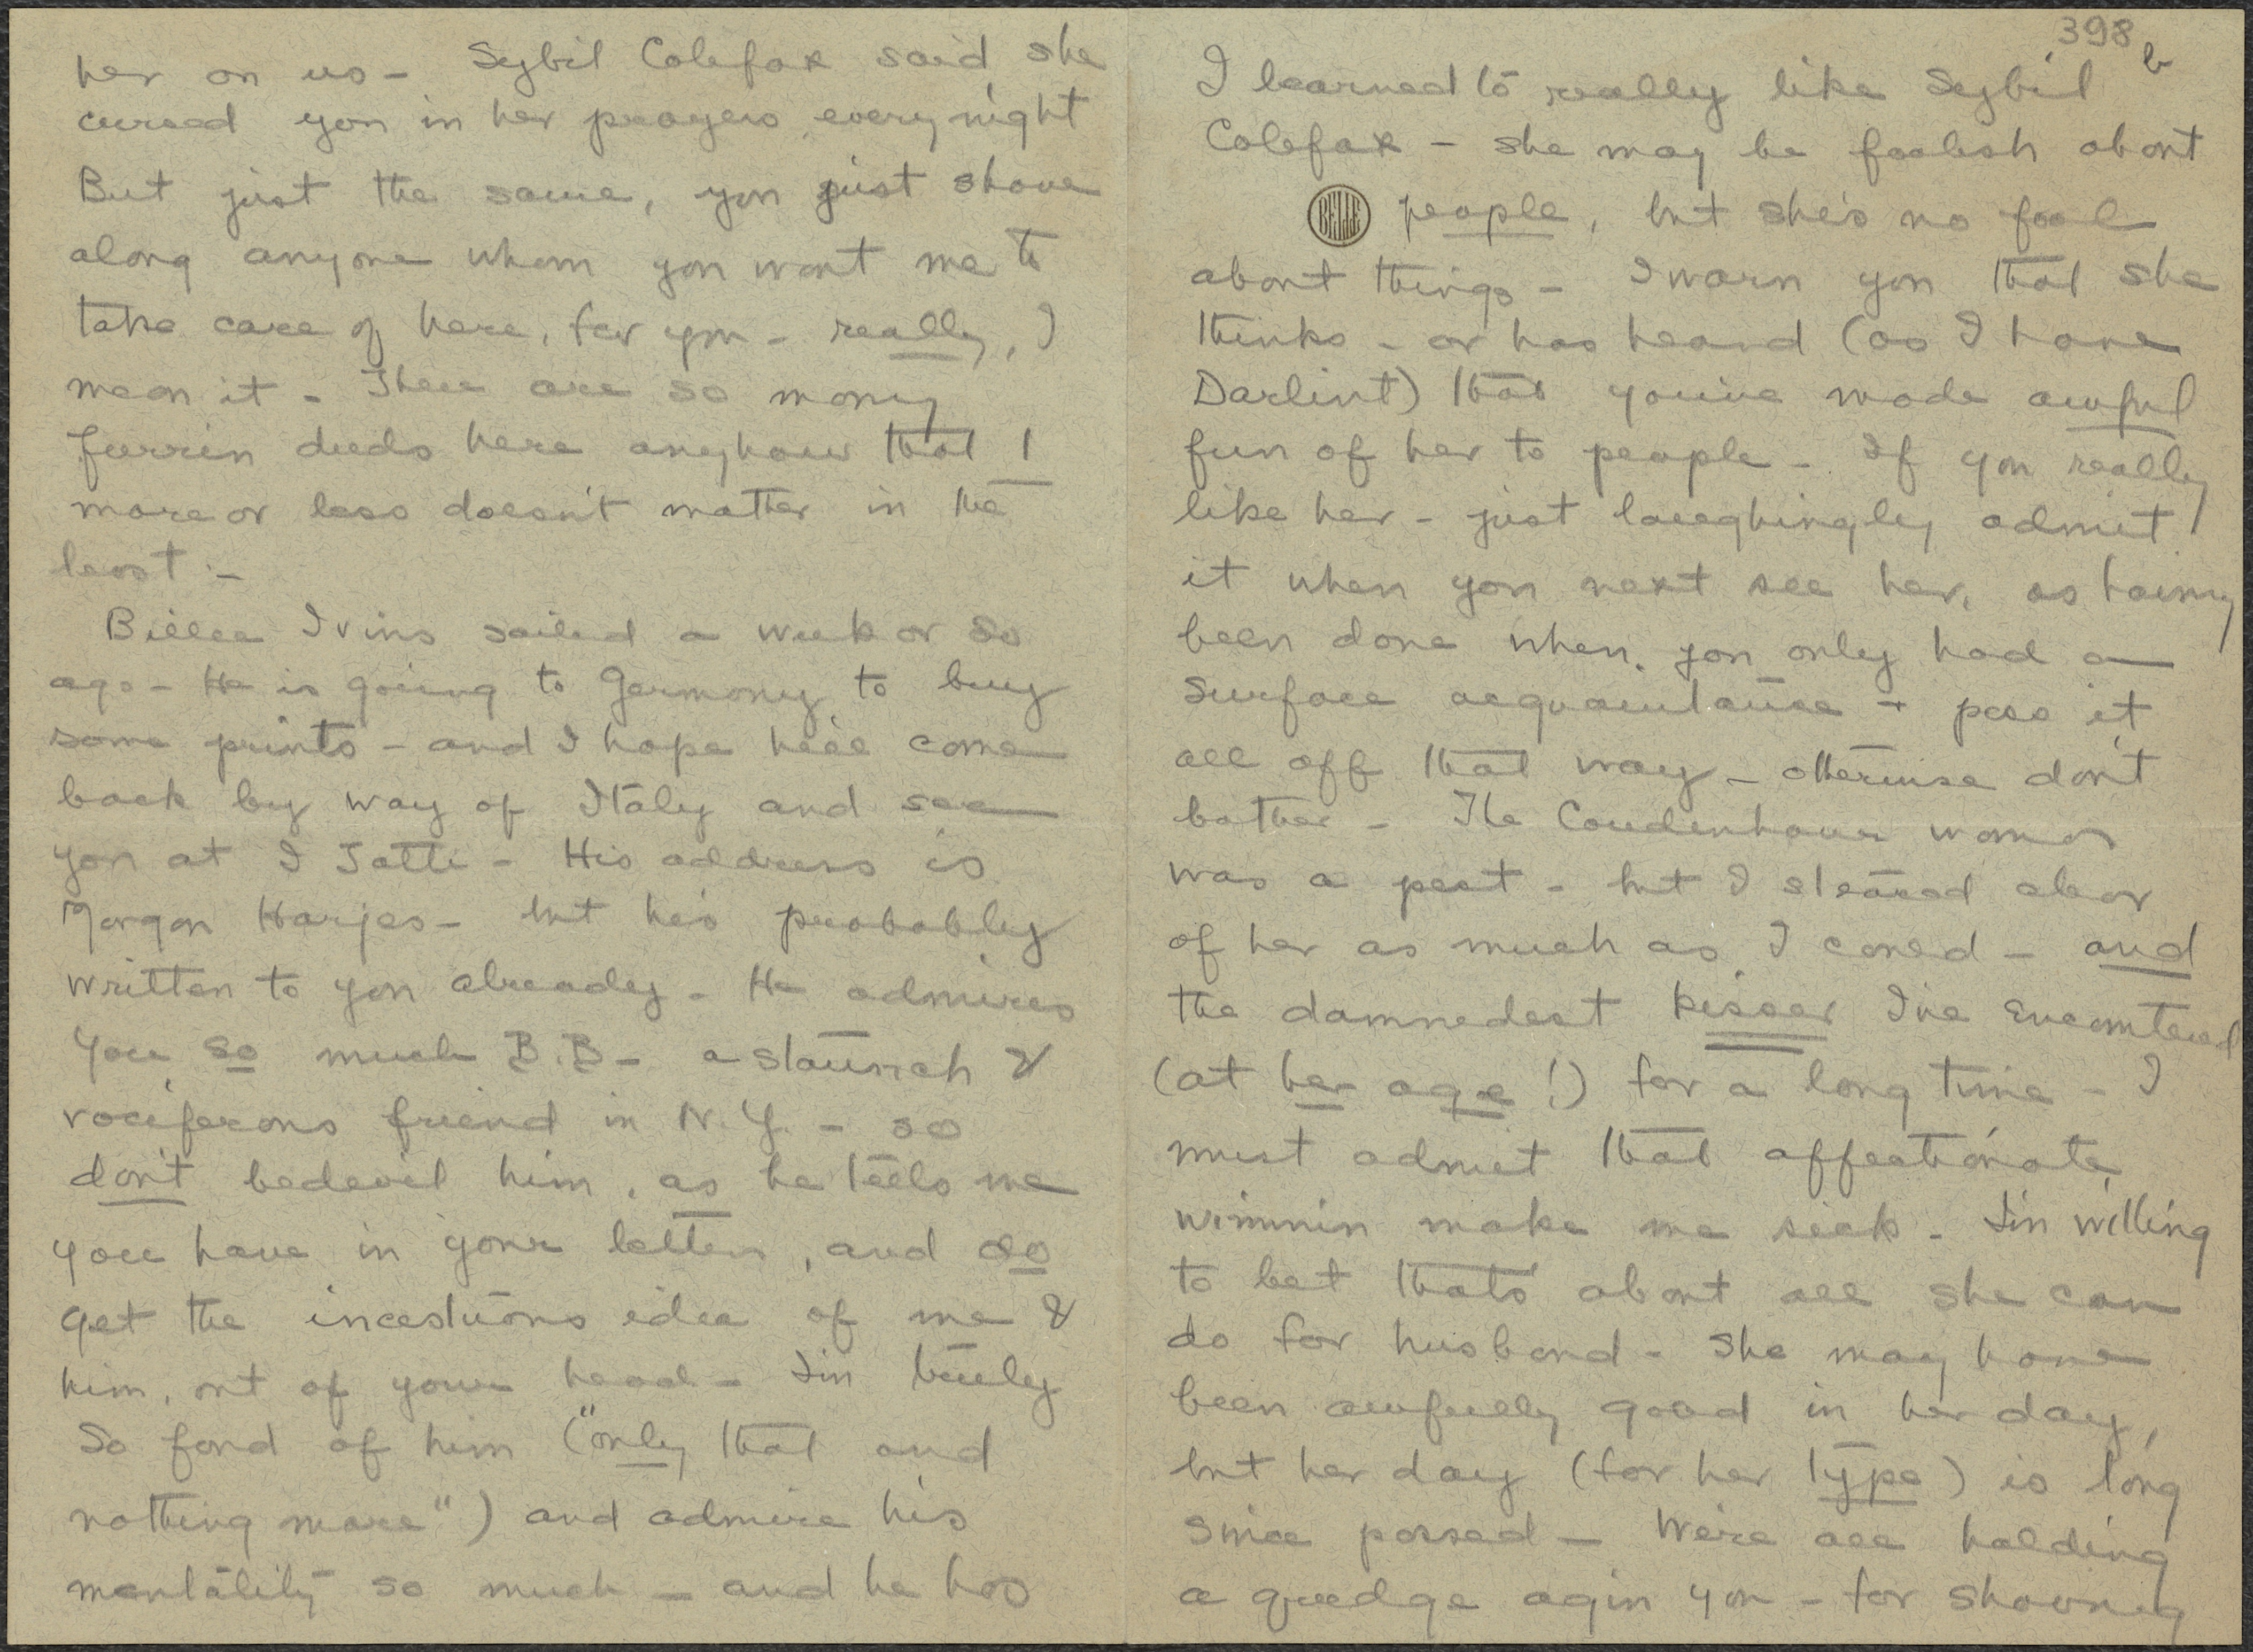I learned to really like Sybil Colefax – she may be foolish about people, but she’s no fool about things – I warn you that she thinks – or has heard (as I have Darlint) that you’ve made awful fun of her to people – If you really like her – just laughingly admit it when you next see her, as having been done when you only had a surface acquaintance & pass it all off that way – otherwise don’t bother – The Coudenhove woman was a pest – but I steared [sic] clear of her as much as I could- and the damnedest [double underlined: kisser] I’ve encountered (at her age!) for a long time – I must admit that affectionate wimmin make me sick. I’m willing to bet that’s about all she can do for husband – She may have been awfully good in her day, but her day (for her type) is long since passed – We're all holding a grudge agin you for shoving
her on us – Sybil Colefax said she cursed you in her prayers, every night But just the same, you just shove along anyone whom you want me to take care of here, for you – really, I mean it. There are so many furrin duds here anyhow that I more or less doesn't matter in the least –
Billee Ivins sailed a week or so ago – He is going to Germany to buy some prints – and I hope he’ll come back by the way of Italy and see you at I Tatti – His address is Morgan Harjes – but he’s probably written to you already – He admires you so much B.B – a staunch & vociferous friend in N.Y – so don’t bedevil him, as he tells me you have in your letter, and do get the incestuous idea of me & him, out of your head – I’m truly so fond of him (“only that and nothing more”) and admire his mentality so much – and he has